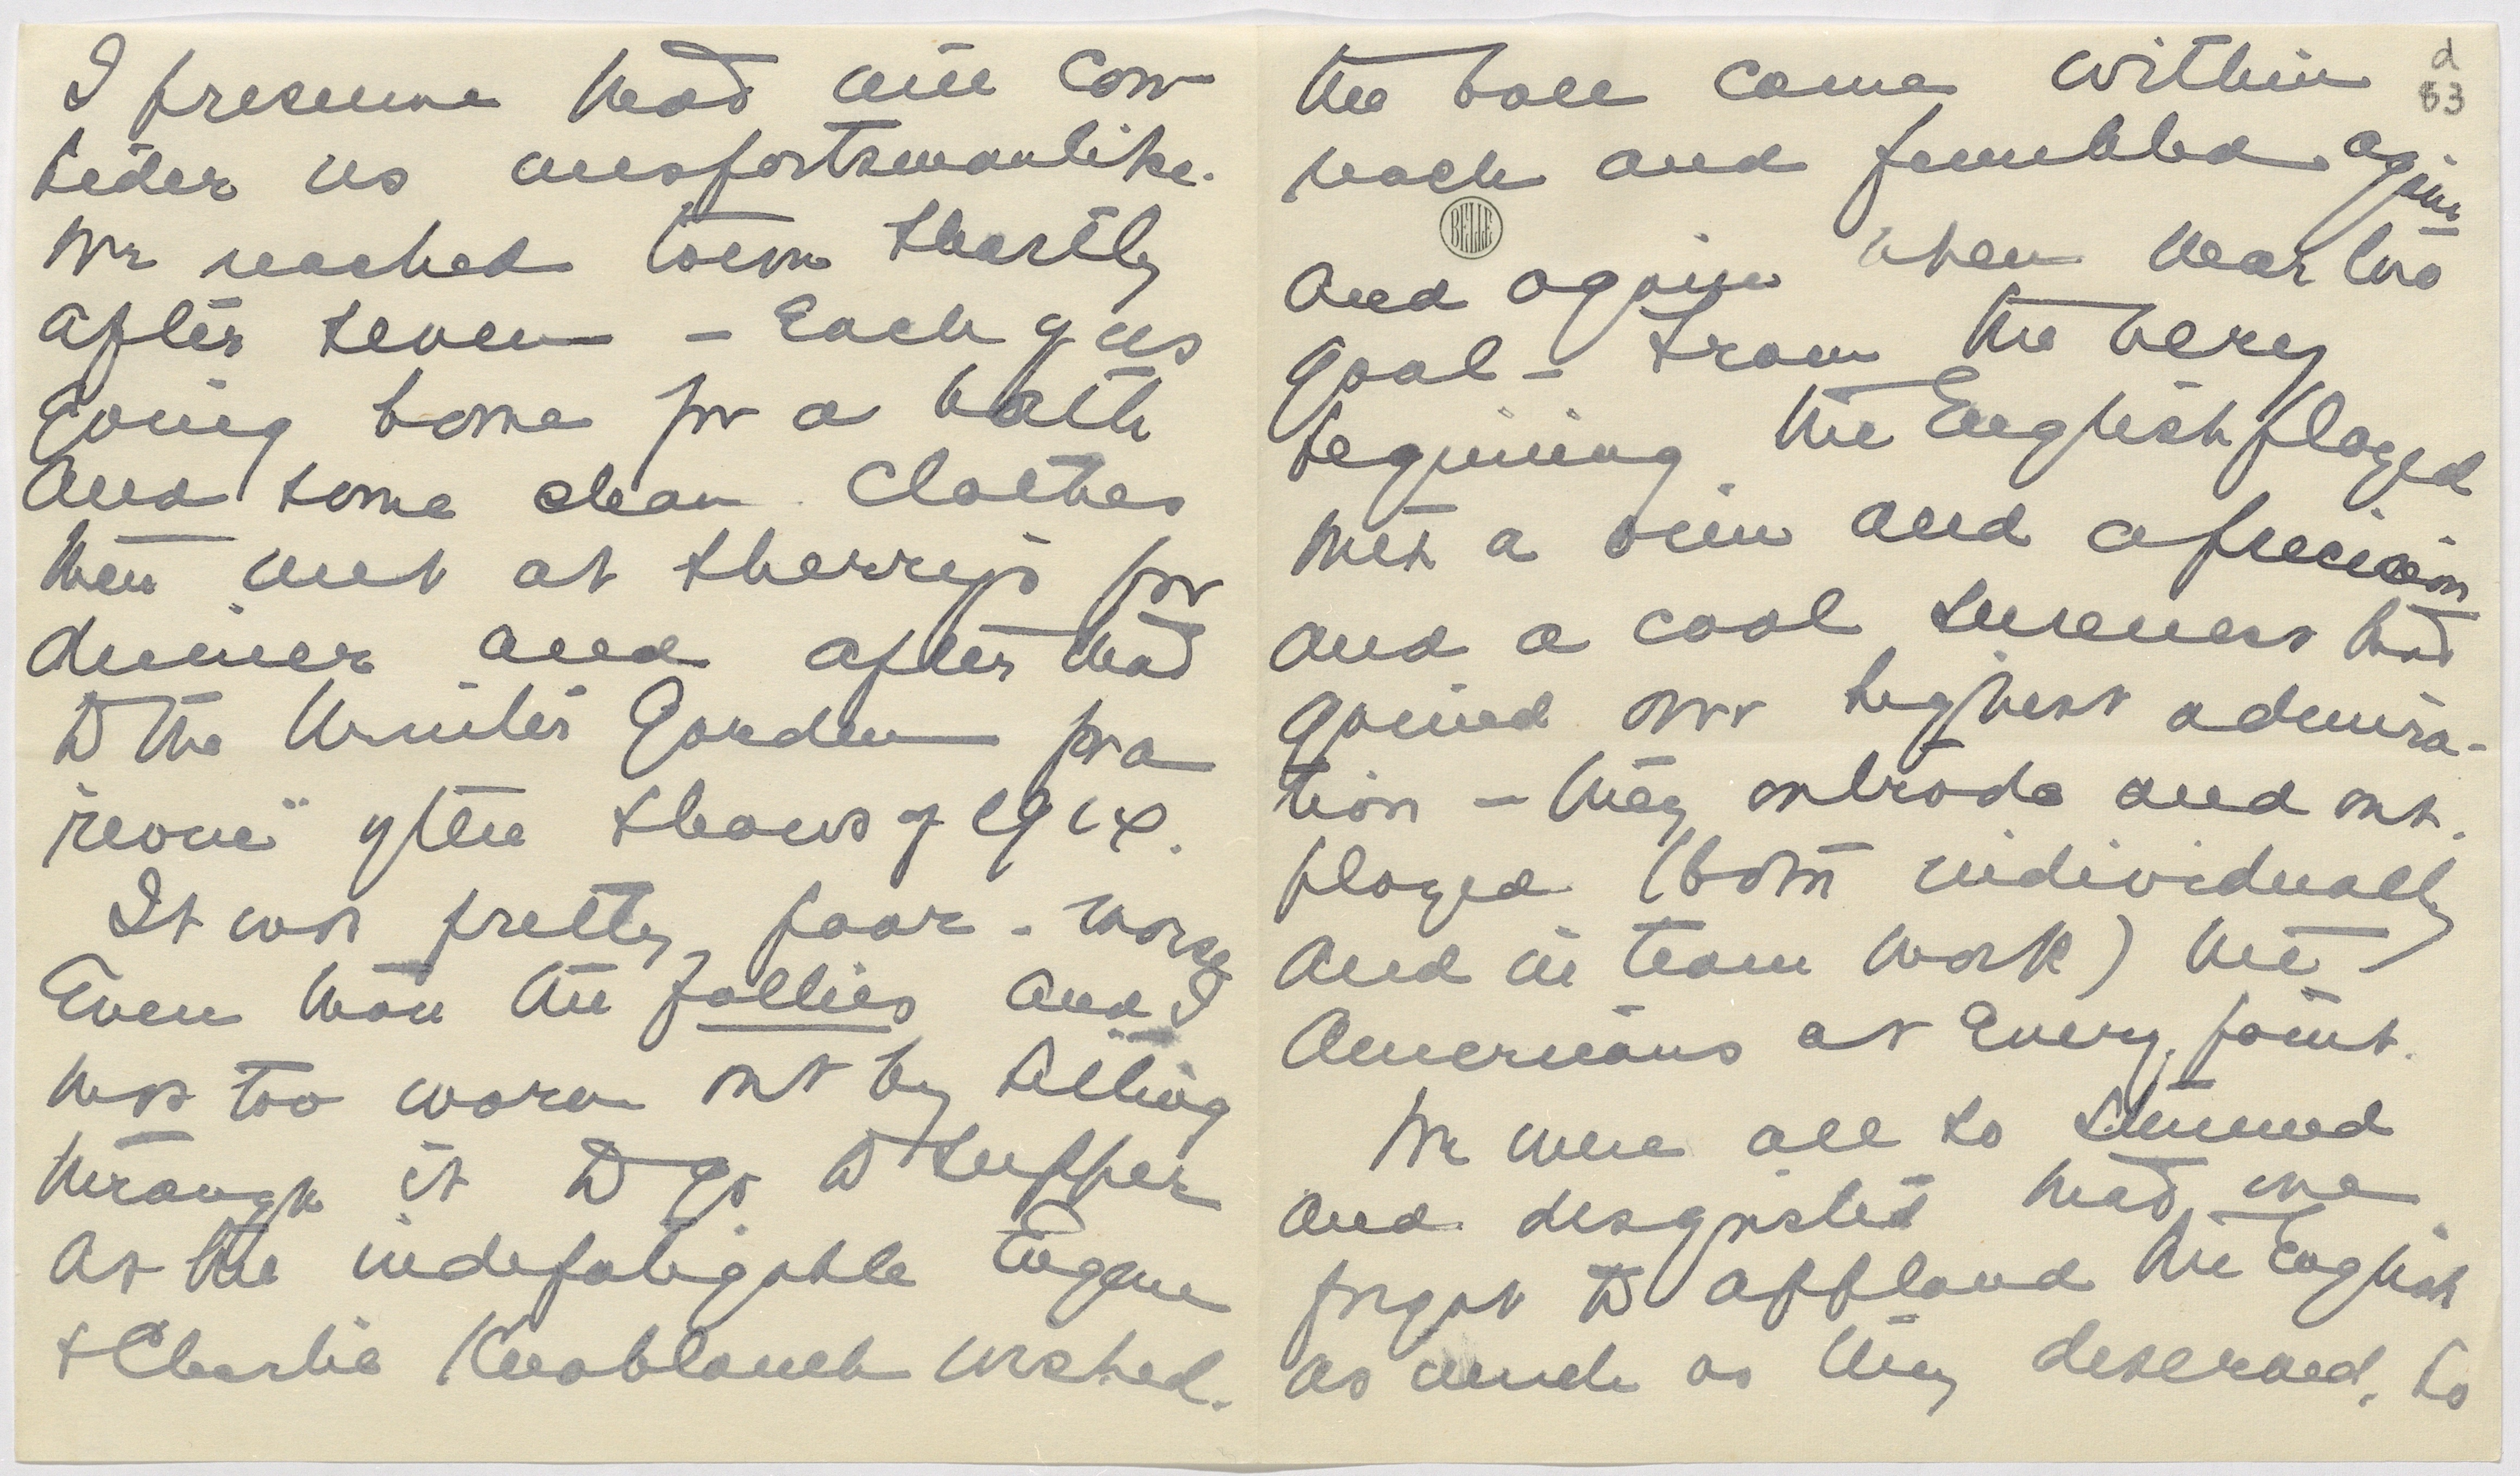the ball came within reach and fumbled again and again when near the goal – From the very beginning the English played with a view and a precision and a cool sureness that gained over highest admiration – they outrode and outplayed (both individually and in team work) the Americans at every point. We were all so stunned and disgusted that we forgot to applaud the English as much as they deserved, so
I presume that will consider us unsportsmanlike. We reached town shortly after seven – each of us going home for a bath and some clean clothes then met at Sherry’s for dinner and after that to the Winter Garden for a “revue” of the shows of 1914. It was pretty poor – worse even than the follies and was too worn out by sitting through it to go to supper at the indefatigable Eugene & Charlie Knoblanch [--]sled.